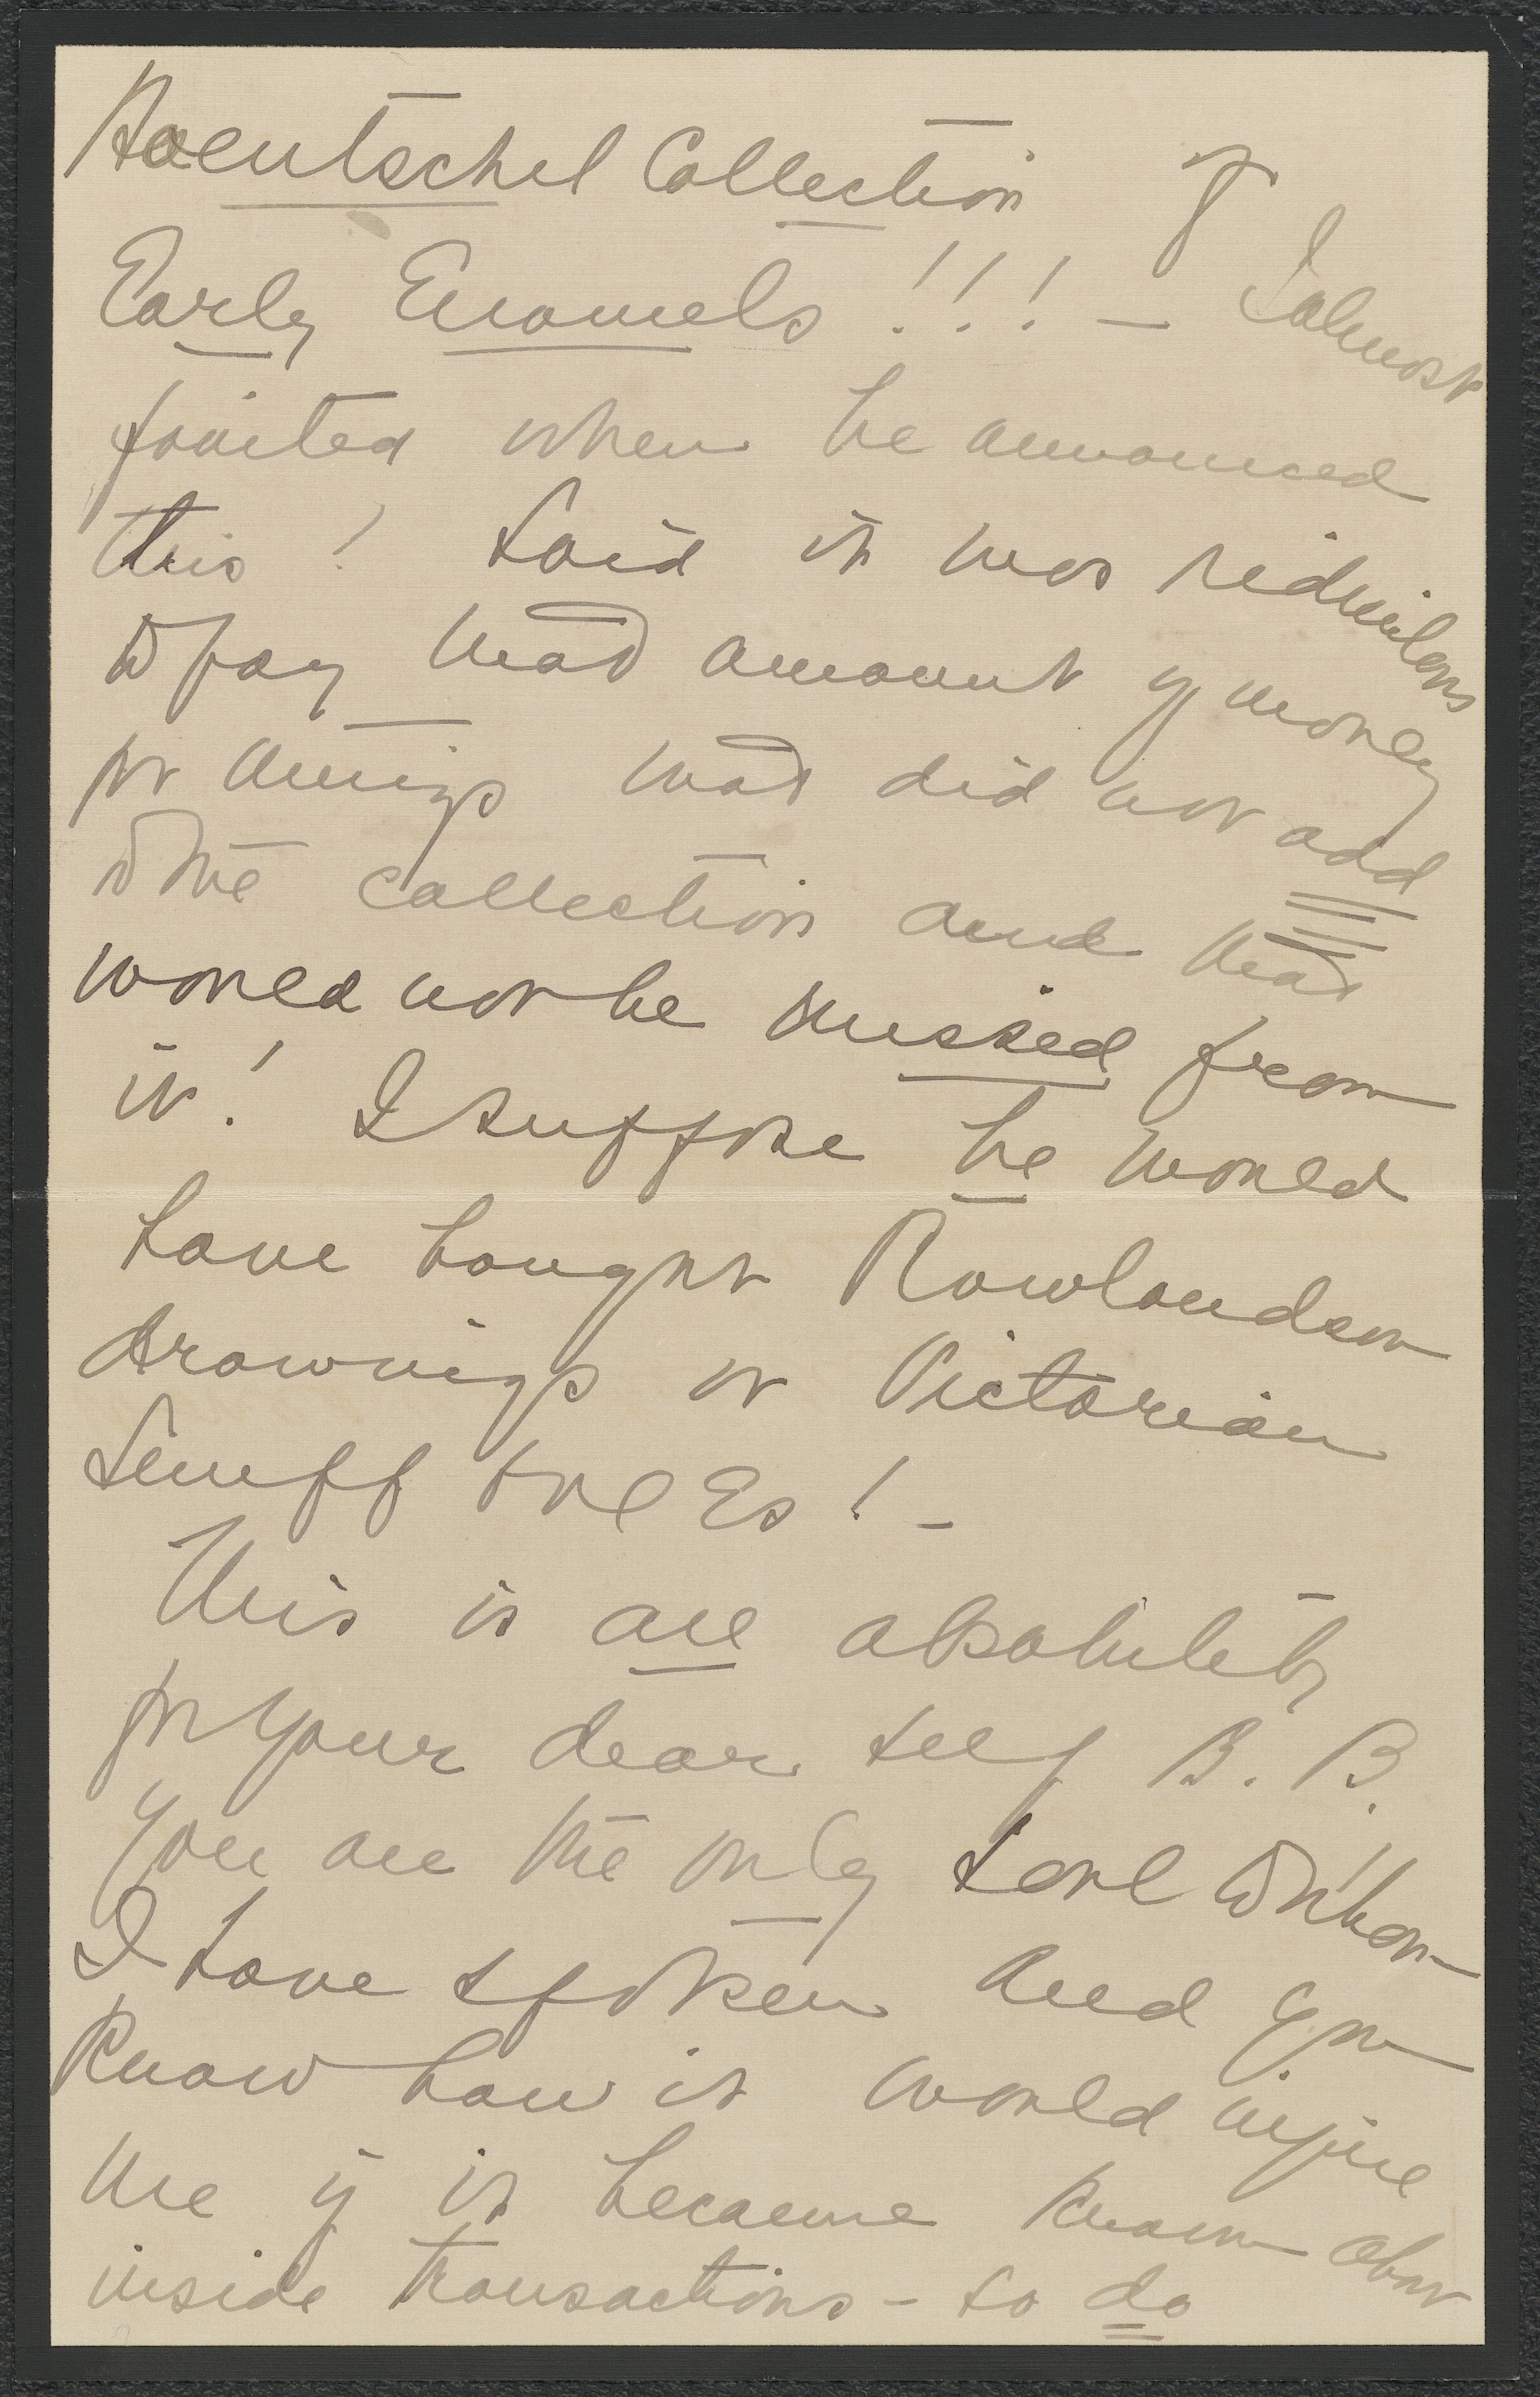Hoentschel Collection of Early Enamels!!! – I almost fainted when he announced this! Said it was ridiculous to pay that amount of money for things that did not [triple underlined: add] to the collection and that would not be missed from it! I suppose he would have bought Rowlandson drawings or Victorian snuff boxes! –
This is all absolutely for your dear self B. B. you are the only soul to whom I have spoken and you know how it would injure me if it became known about inside transactions – so [double underlined: do]